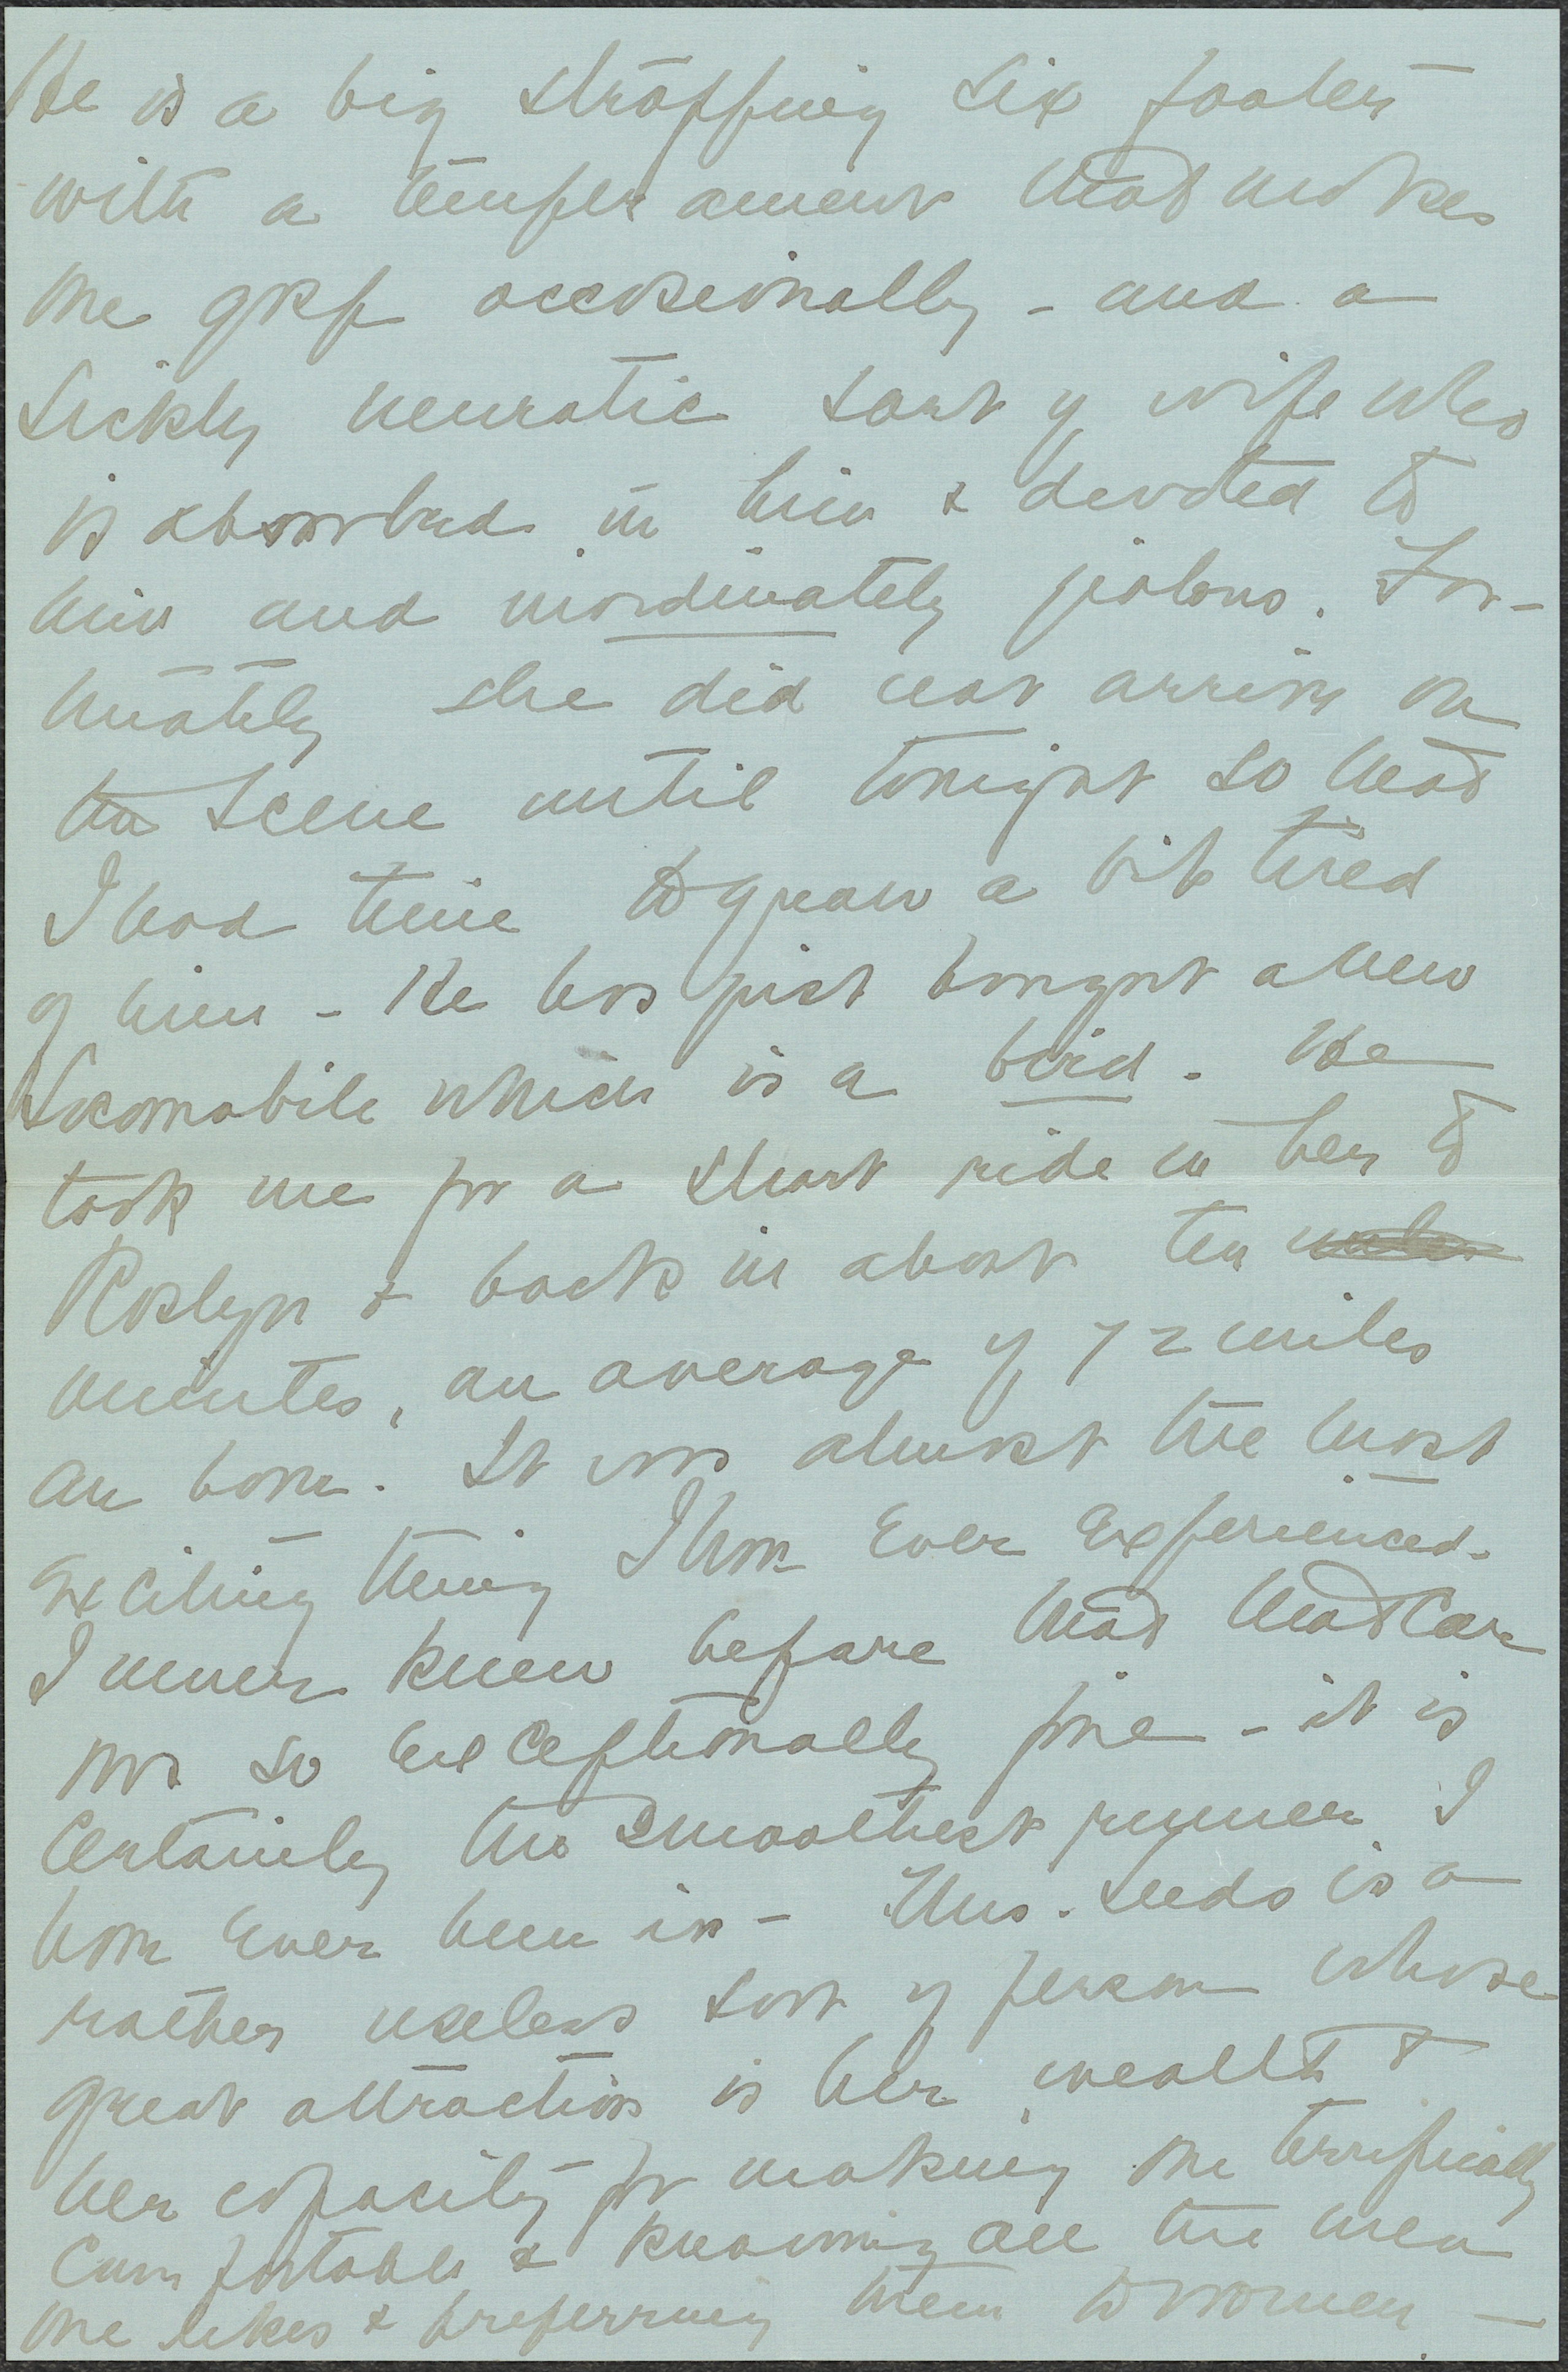He is a big strapping six footer with a temperament that makes one gasp occasionally – and a sickly neurotic sort of wife who is absorbed in him & devoted to him and inordinately jealous. Fortunately she did not arrive on the scene until tonight so that I had time to grow a bit tired of him – He has just bought a new Locomobile which is a bird. He took me for a short ride in her to Roslyn & back in about ten miles minutes, an average of 72 miles an hour. It was almost the most exciting thing I have ever experienced – I never knew before that that car was so exceptionally fine – it is certainly the smoothest runner I have ever been in – Mrs. Leeds is a rather useless sort of person whose great attraction is her wealth & her capacity for making one terrifically comfortable & knowing all the men one likes & preferring them to women –